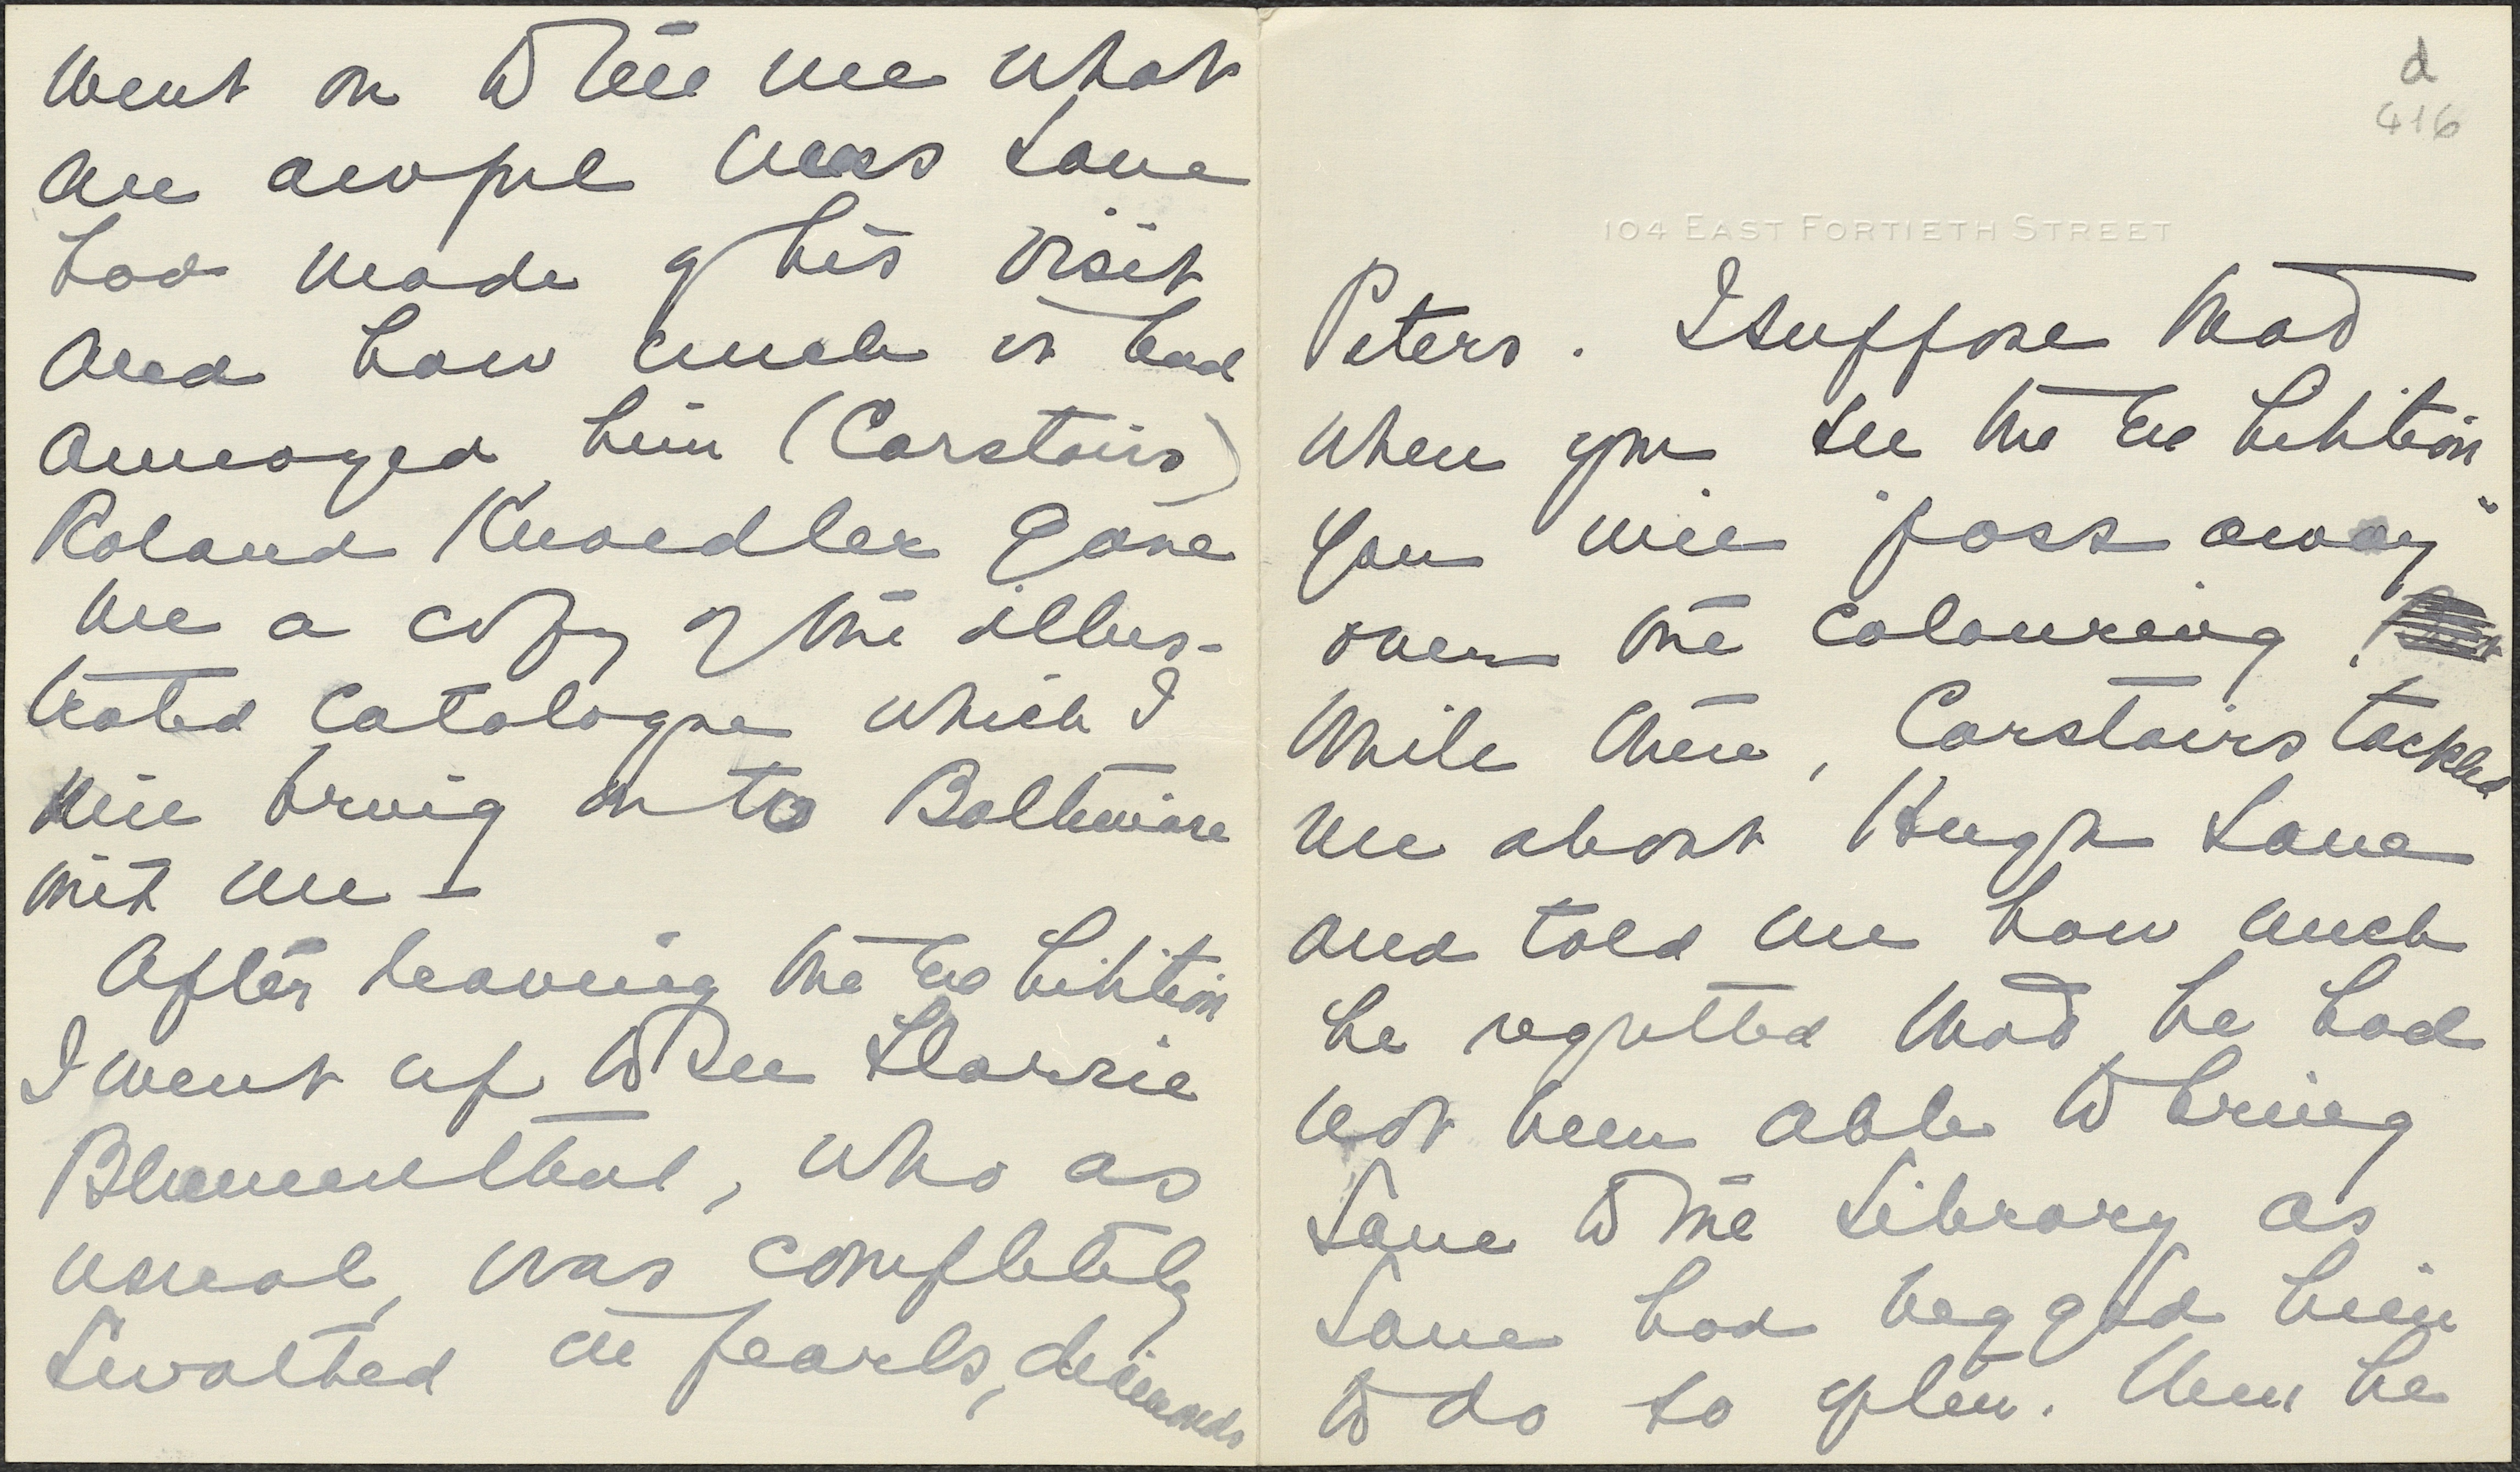Peters. I suppose that when you see the exhibition you will “pass away” over the colouring. But While there, Carstairs tackled me about Hugh Lane and told me how much he regretted that he had not been able to bring Lane to the Library as Lane had begged him to do so often. Then he
went on to tell me what an awful mess Lane had made of his visit and how much it had annoyed him (Carstairs)
Roland Knoedler gave me a copy of the illustrated catalogue which I will bring on to Baltimore with me –
After leaving the exhibition I went up to see Florrie Blumenthal, who as usual, was completely swathed in pearls, diamonds